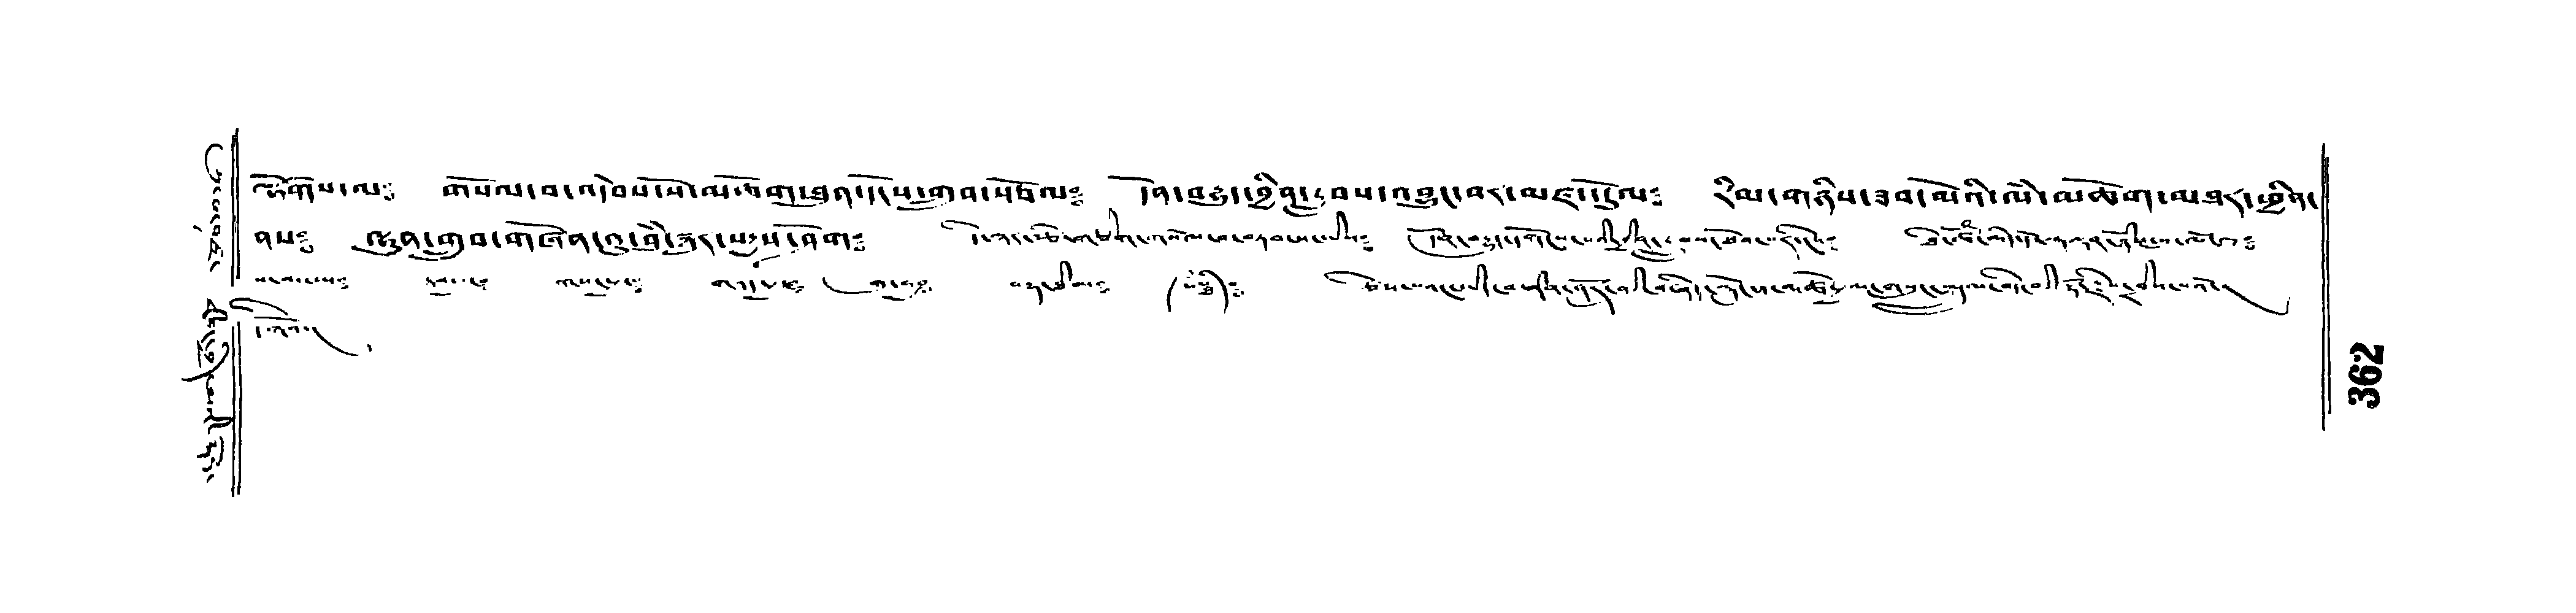ལྷ་ཚོགས་ལ༔ གསོལ་བ་འདེབས་སོ་མཆོག་ཐུན་དངོས་གྲུབ་སྩོལ༔ དོན་བརྒྱུད་བྱིན་རླབས་འབྱུང་བར་མཛད་དུ་གསོལ༔ རིམ་གཉིས་ཟབ་མོའི་ལམ་མཆོག་མཐར་ཕྱིན་
ནས༔ ལྷུན་གྲུབ་གཞོན་ནུ་བུམ་སྐུར་སངས་རྒྱས་ཤོག༔ དེ་ལྟར་རྩེ་གཅིག་གསོལ་བ་བཏབ་པ་ཡིས༔ དོན་བརྒྱུན་དགོངས་པའི་བྱིན་རླབས་ཐོབ་པར་ངེས༔ ཐེ་ཚོམ་མེད་དོ་སྐལ་ལྡན་ཉམས་སུ་ལོངས༔ 
ས་མ་ཡ༔ ཟབ་རྒྱ༔ གསང་རྒྱ༔ གཏད་རྒྱ༔ གུ་ཧྱ༔ བརྡ་ཐིམ༔ ཿ ཅེས་པའང་ཡིད་བཞིན་ནོར་བུའི་བཞེད་སྐོང་དུ་མཚོ་རྒྱལ་གསུང་སྤྲུལ་བདེ་བའི་རྡོ་རྗེས་བྲིས་པའོ། 
དགེའོ།